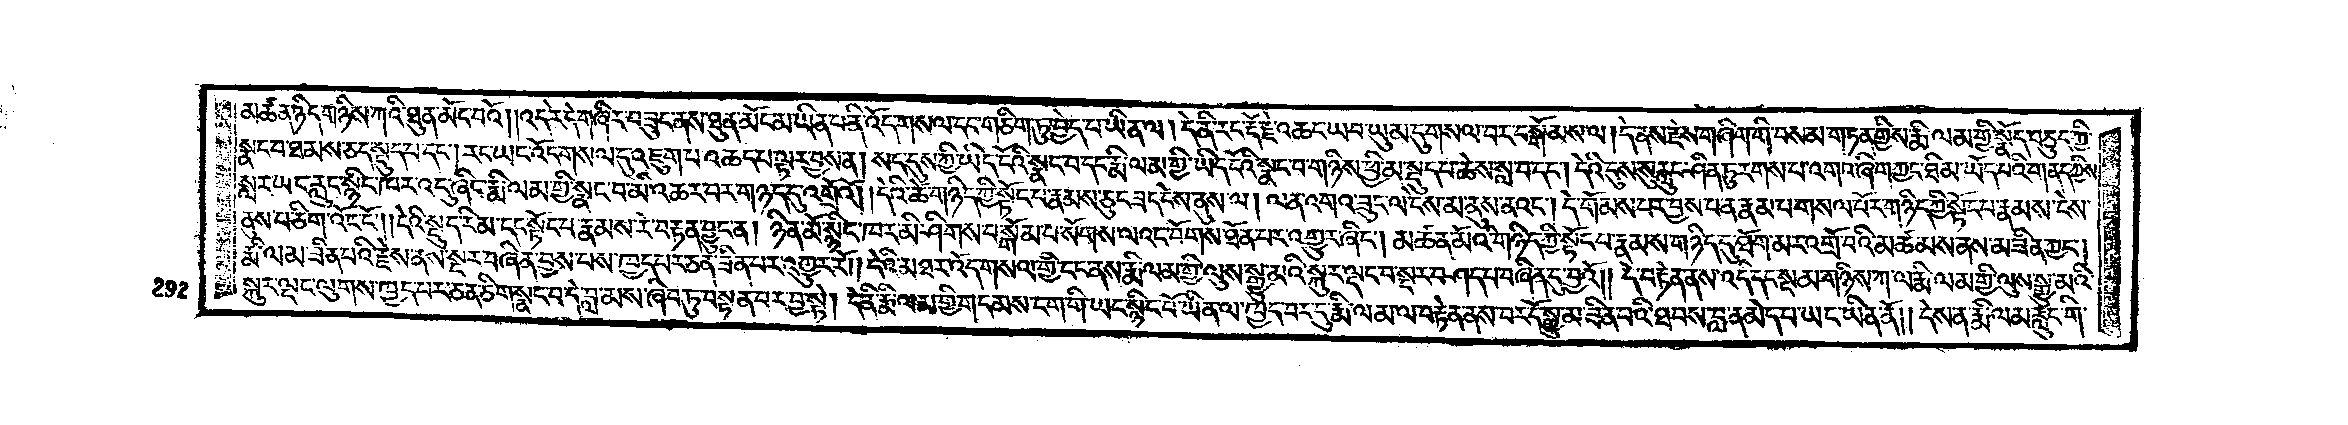མཚན་ཉིད་གཉིས་ཀའི་ཐུན་མོང་བའོ། །འདིར་དེ་གཞིར་བཟུང་ནས་ཐུན་མོང་མ་ཡིན་པ་ནི་འོད་གསལ་དང་གཅིག་ཏུ་བྱེད་པ་ཡིན་ལ། དེ་ནི་རང་རྡོ་རྗེ་འཆང་ཡབ་ཡུམ་དུ་གསལ་བར་བསྒོམས་ལ། དེ་ནས་རྗེས་གཞིག་གི་བསམ་གཏན་གྱིས་རྨི་ལམ་གྱི་སྣོད་བཅུད་ཀྱི་
སྣང་བ་ཐམས་ཅད་སྡུད་པ་དང་། རང་ཡང་འོད་གསལ་དུ་འཇུག་པ་འཆད་པ་ལྟར་བྱས་ན། སད་དུས་ཀྱི་ཡིད་ངོའི་སྣང་བ་དང་རྨི་ལམ་གྱི་ཡིད་ངོའི་སྣང་བ་གཉིས་ཕྱི་མ་སྡུད་པ་ཆེས་སླ་བ་དང་། དེའི་དུས་སུ་རླུང་ཤིན་ཏུ་རགས་པ་འགའ་ཞིག་ཀྱང་ཐིམ་ཡོད་པའི་གནད་ཀྱིས་
སླར་ཡང་རླུང་སྙིང་ཁར་འདུ་ཞིང་རྨི་ལམ་གྱི་སྣང་བ་མི་འཆར་བར་གཉིད་དུ་འགྲོའོ། །དེའི་ཚེ་གཉིད་ཀྱི་སྟོང་པ་རྣམས་ཅུང་ཟད་ངེས་ནུས་ལ། ལན་འགའ་ཟུང་ལ་ངེས་མ་ནུས་ནའང་། དེ་གོམས་པར་བྱས་པ་ན་རྣམ་པ་གསལ་པོར་གཉིད་ཀྱི་སྟོང་པ་རྣམས་ངེས་
ནུས་པ་ཅིག་འོང་ངོ། །དེའི་སྡུད་རིམ་དང་སྟོང་པ་རྣམས་རེ་བརྟན་བྱུང་ན། ཉིན་མོ་སྙིང་ཁར་མི་ཤིགས་པ་སྒོམ་པ་སོགས་ལའང་བོགས་ཐོན་པར་འགྱུར་ཞིང་། མཚན་མོའི་གཉིད་ཀྱི་སྟོང་པ་རྣམས་གཉིད་དུ་ཐོག་མར་འགྲོ་བའི་མཚམས་ནས་མ་ཟིན་ཀྱང་།
རྨི་ལམ་ཟིན་པའི་རྗེས་ནས་སྔར་བཞིན་བྱས་པས་ཁྱད་པར་ཅན་ཟིན་པར་འགྱུར་རོ། །དེའི་མཐར་འོད་གསལ་གྱི་ངང་ནས་རྨི་ལམ་གྱི་ལུས་སྒྱུ་མའི་སྐུར་ལྡང་བ་སྔར་བཤད་པ་བཞིན་དུ་བྱའོ། །དེ་བརྟེན་ནས་འདི་དང་སྔ་མ་གཉིས་ཀ་ལ་རྨི་ལམ་གྱི་ལུས་སྒྱུ་མའི་
སྐུར་ལྡང་ལུགས་ཁྱད་པར་ཅན་ཅིག་སྣང་བ་དེ་བླ་མས་ཞིབ་ཏུ་བསྟན་པར་བྱ་སྟེ། དེ་ནི་རྨི་ལམ་གྱི་གདམས་ངག་གི་ཡང་སྙིང་པོ་ཡིན་ལ་ཁྱད་པར་དུ་རྨི་ལམ་ལ་བརྟེན་ནས་བར་དོ་སྒྱུ་མ་ཟིན་པའི་ཐབས་བླ་ན་མེད་པ་ཡང་ཡིན་ནོ། །དེས་ན་རྨི་ལམ་རླུང་གི་